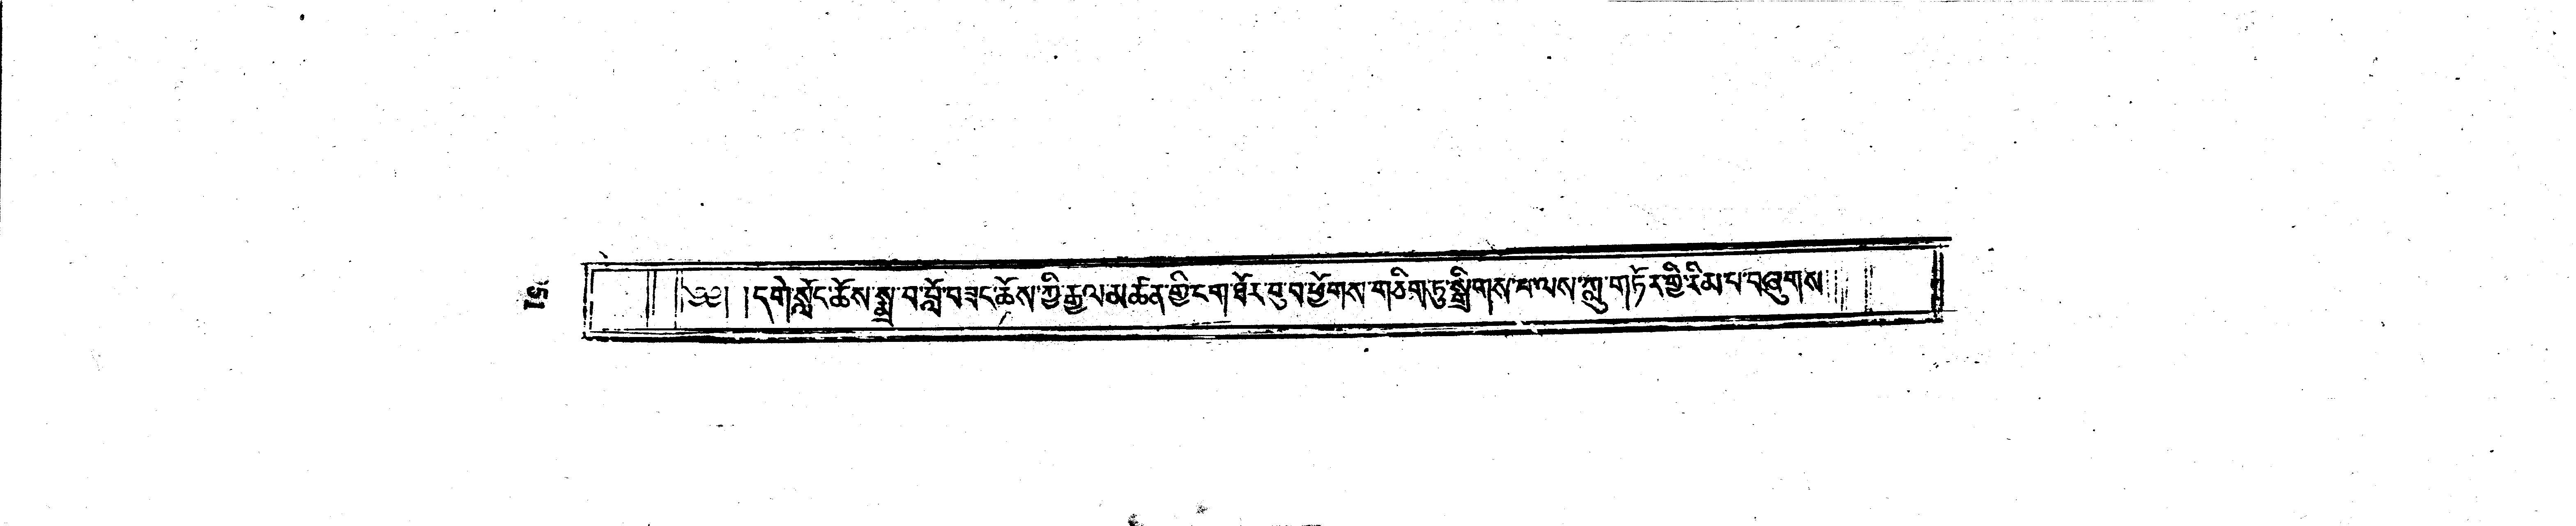༄༅། །དགེ་སློང་ཆོས་སྨྲ་བ་བློ་བཟང་ཆོས་ཀྱི་རྒྱལ་མཚན་གྱི་ངག་ཐོར་བུ་བ་ཕྱོགས་གཅིག་ཏུ་སྒྲིགས་པ་ལས་ཀླུ་གཏོར་གྱི་རིམ་པ་བཞུགས།།